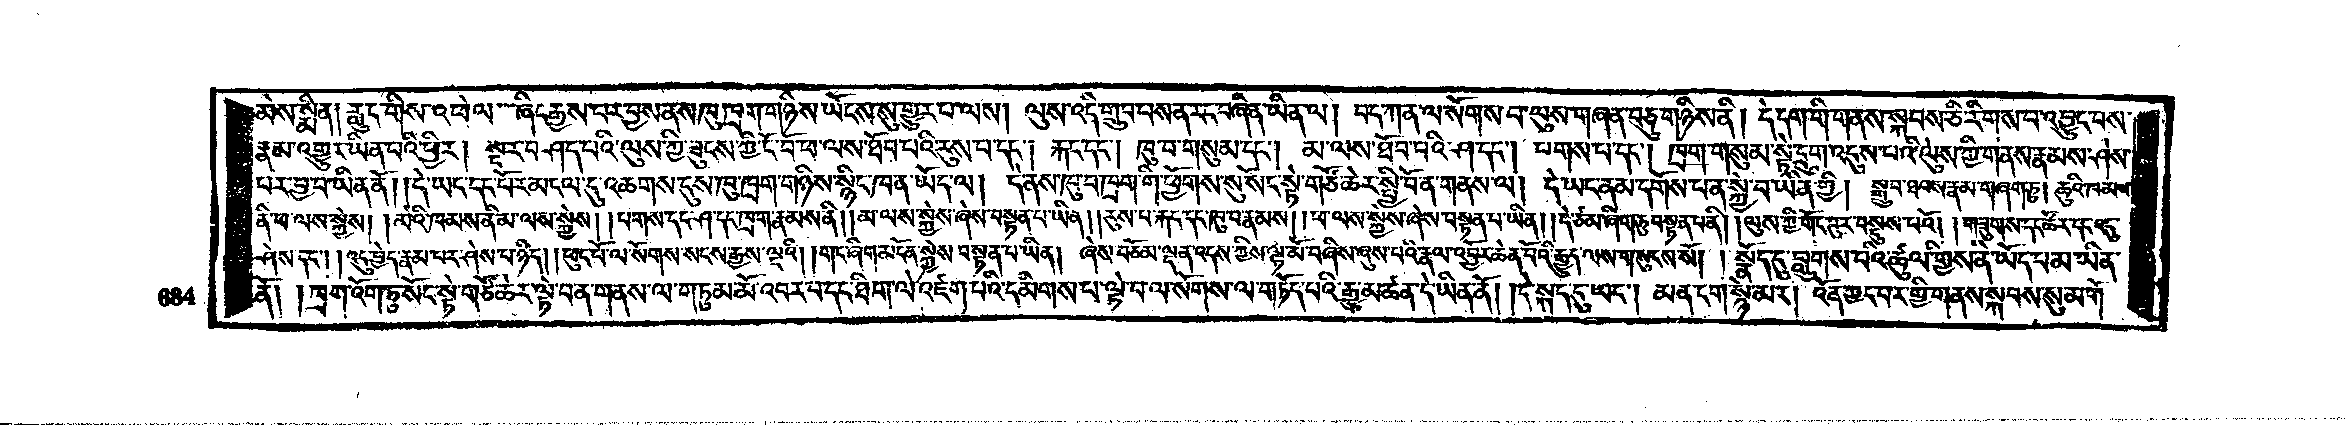མེས་སྨིན། རླུང་གིས་འཕྲེལ་ཞིང་རྒྱས་པར་བྱས་ནས་ཁུ་ཁྲག་གཉིས་ཡོངས་སུ་གྱུར་པ་ལས། ལུས་འདི་གྲུབ་པས་ན་རང་བཞིན་ཡིན་ལ། བད་ཀན་ལ་སོགས་པ་ལུས་གཞན་བཅུ་གཉིས་ནི། དེ་དག་གི་གནས་སྐབས་ཙ་རིགས་པ་འབྱུང་བས་
རྣམ་འགྱུར་ཡིན་པའི་ཕྱིར། སྔར་བཤད་པའི་ལུས་ཀྱི་ཟུངས་ཀྱི་ངོ་བོ་ཕ་ལས་ཐོབ་པའི་རུས་པ་དང་། རྐང་དང་། ཁུ་བ་གསུམ་དང་། མ་ལས་ཐོབ་པའི་ཤ་དང་། པགས་པ་དང་། ཁྲག་གསུམ་སྟེ་དྲུག་འདུས་པའི་ལུས་ཀྱི་གནས་རྣམས་ཤེས་
པར་བྱ་བ་ཡིན་ནོ། །དེ་ཡང་དང་པོར་མངལ་དུ་འཆགས་དུས་ཁུ་ཁྲག་གཉིས་སྙིང་ཁ་ན་ཡོད་ལ། དེ་ནས་ཁུ་བ་ཁྲག་གི་ཕྱོགས་སུ་སོང་སྟེ་གཙོ་ཆེར་སྤྱི་བོ་ན་གནས་ལ། དེ་ཡང་ནམ་དགོས་པ་ན་སྐྱེ་བ་ཡིན་གྱི། སྒྲུབ་ཐབས་རྣམ་གཞག་ཏུ། ཆུའི་ཁམས་
ནི་པ་ལས་སྐྱེས། །མེའི་ཁམས་ནི་མ་ལས་སྐྱེས། །པགས་དང་ཤ་དང་ཁྲག་རྣམས་ནི། །མ་ལས་སྐྱེས་ཞེས་བསྟན་པ་ཡིན། །རུས་པ་རྐང་དང་ཁུ་བ་རྣམས། །ཕ་ལས་སྐྱེས་ཞེས་བསྟན་པ་ཡིན། །དེ་ཙམ་ཞིག་ཏུ་བསྟན་པ་ནི། །ལུས་ཀྱི་གོང་བུར་བསྡུས་པའོ། །གཟུགས་དང་ཚོར་དང་འདུ་
ཤེས་དང་། འདུ་བྱེད་རྣམ་པར་ཤེས་པ་ཉིད། །ཕུང་པོ་ལ་སོགས་སངས་རྒྱས་ལྔའི། །གང་ཞིག་མངོན་སྐྱེས་བསྟན་པ་ཡིན། ཞེས་བཅོམ་ལྡན་འདས་ཀྱིས་ལྷ་མོ་བཞིས་ཞུས་པའི་རྣལ་འབྱོར་ཆེན་པོའི་རྒྱུད་ལས་གསུངས་སོ། །སྣོད་དུ་བླུགས་པའི་ཚུལ་གྱིས་ནི་ཡོད་པ་མ་ཡིན་
ནོ། །ཁྲག་འོག་ཏུ་སོང་སྟེ་གཙོ་ཆེར་ལྟེ་བ་ན་གནས་ལ་གཏུམ་མོ་འབར་བ་དང་ཐིག་ལེ་འཛག་པའི་དམིགས་པ་ལྟེ་བ་ལ་སོགས་ལ་གཏོད་པའི་རྒྱུ་མཚན་དེ་ཡིན་ནོ། །དེ་སྐད་དུ་ཡང་། མན་ངག་སྙེ་མར། འོན་ཀྱང་པར་གྱི་གནས་སྐབས་སུ་མགོ་